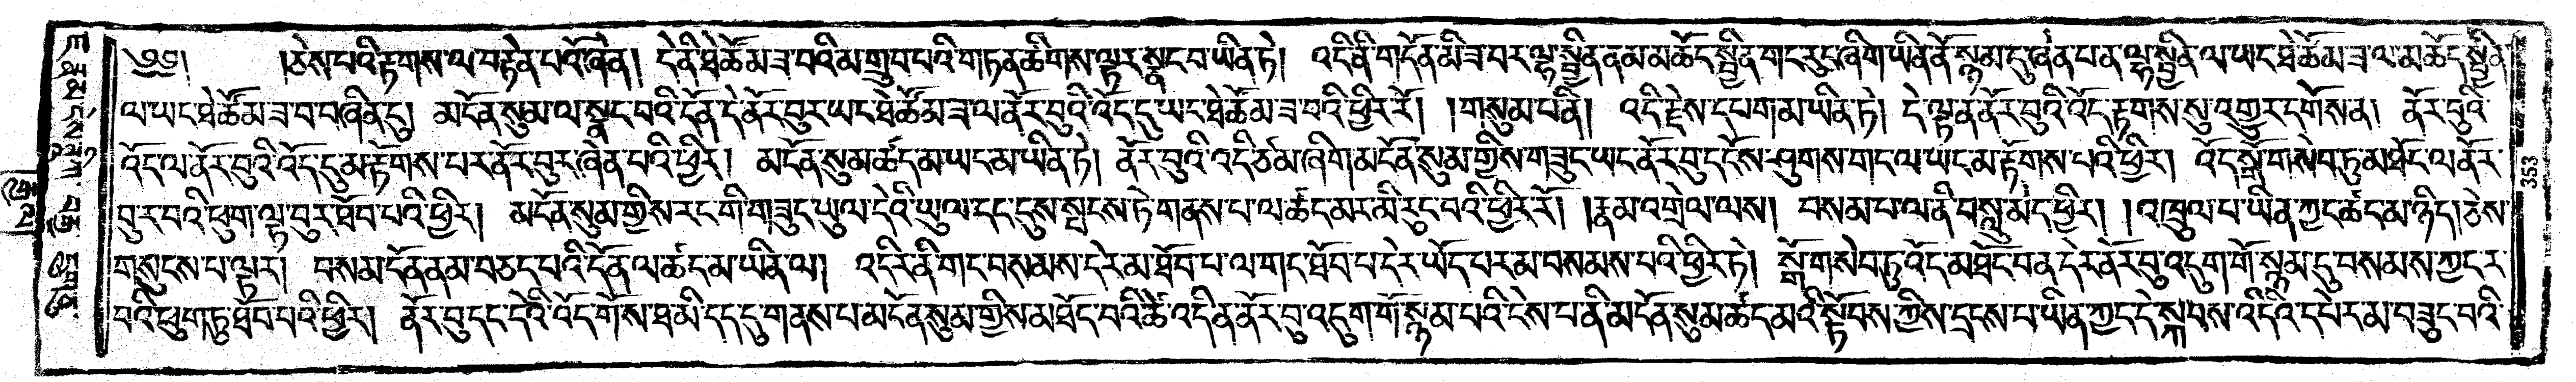༄༅། །ཅེས་པའི་རྟགས་ལ་བརྟེན་པའོ་ཞེ་ན། དེ་ནི་ཐེ་ཚོམ་ཟ་བའི་མ་གྲུབ་པའི་གཏན་ཚིགས་ལྟར་སྣང་བ་ཡིན་ཏེ། འདི་ནི་གདོན་མི་ཟ་བར་ལྷ་སྦྱིན་ནམ་མཆོད་སྦྱིན་གང་རུང་ཞིག་ཡིན་ནོ་སྙམ་དུ་ཞེན་པ་ན་ལྷ་སྦྱིན་ལ་ཡང་ཐེ་ཚོམ་ཟ་ལ་མཆོད་སྦྱིན་
ལ་ཡང་ཐེ་ཚོམ་ཟ་བ་བཞིན་དུ། མངོན་སུམ་ལ་སྣང་བའི་དོན་དེ་ནོར་བུར་ཡང་ཐེ་ཚོམ་ཟ་ལ་ནོར་བུའི་འོད་དུ་ཡང་ཐེ་ཚོམ་ཟ་བའི་ཕྱིར་རོ། །གསུམ་པ་ནི། འདི་རྗེས་དཔག་མ་ཡིན་ཏེ། དེ་ལྟ་ན་ནོར་བུའི་འོད་རྟགས་སུ་འགྱུར་དགོས་ན། ནོར་བུའི་
འོད་ལ་ནོར་བུའི་འོད་དུ་མ་རྟོགས་པར་ནོར་བུར་ཞེན་པའི་ཕྱིར། མངོན་སུམ་ཚད་མ་ཡང་མ་ཡིན་ཏེ། ནོར་བུའི་འདི་ཙམ་ཞིག་མངོན་སུམ་གྱིས་གཟུང་ཡང་ནོར་བུ་དངོས་ཤུགས་གང་ལ་ཡང་མ་རྟོགས་པའི་ཕྱིར། འོད་སྒོ་གསེབ་ཏུ་མཐོང་ལ་ནོར་
བུ་ར་བའི་ཕུག་ལྟ་བུར་ཐོབ་པའི་ཕྱིར། མངོན་སུམ་གྱིས་རང་གི་གཟུང་ཡུལ་དེའི་ཡུལ་དང་དུས་སྤངས་ཏེ་གནས་པ་ལ་ཚད་མར་མི་རུང་བའི་ཕྱིར་རོ། །རྣམ་འགྲེལ་ལས། བསམ་པ་ལ་ནི་བསླུ་མེད་ཕྱིར། །འཁྲུལ་བ་ཡིན་ཀྱང་ཚད་མ་ཉིད། ཅེས་
གསུངས་པ་ལྟར། བསམ་དོན་ནམ་བཅད་པའི་དོན་ལ་ཚད་མ་ཡིན་ལ། འདིར་ནི་གང་བསམས་དེར་མ་ཐོབ་པ་ལ་གང་ཐོབ་པ་དེར་ཡོད་པར་མ་བསམས་པའི་ཕྱིར་ཏེ། སྒོ་གསེབ་ཏུ་འོད་མཐོང་བ་ན་དེར་ནོར་བུ་འདུག་གོ་སྙམ་དུ་བསམས་ཀྱང་ར་
བའི་ཕུག་ཏུ་ཐོབ་པའི་ཕྱིར། ནོར་བུ་དང་དེའི་འོད་གོས་ཐ་མི་དད་དུ་གནས་པ་མངོན་སུམ་གྱིས་མཐོང་བའི་ཚེ་འདི་ན་ནོར་བུ་འདུག་གོ་སྙམ་པའི་ངེས་པ་ནི་མངོན་སུམ་ཚད་མའི་སྟོབས་ཀྱིས་དྲངས་པ་ཡིན་ཀྱང་དེ་སྐབས་འདིའི་དཔེར་མ་བཟུང་བའི་